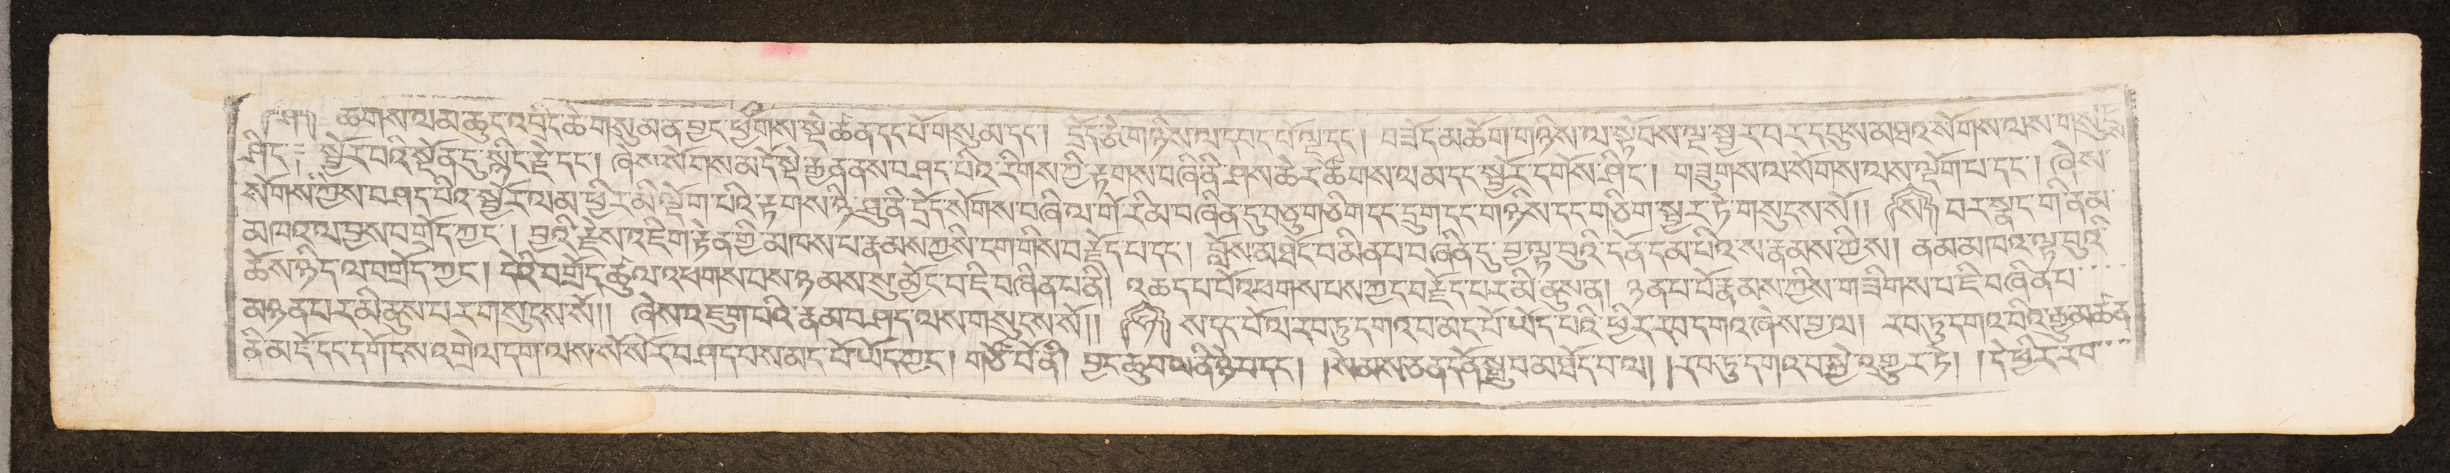༼༽ཤ༼༽ ཆགས་ལམ་ཆུང་འབྲིང་ཆེ་གསུམ་ན་བྱང་ཕྱོགས་སྡེ་ཚན་དང་པོ་གསུམ་དང་། དྲོད་རྩེ་གཉིས་ལ་དབང་པོ་ལྔ་དང་། བཟོད་མཆོག་གཉིས་ལ་སྟོབས་ལྔ་སྦྱར་བར་དབུས་མཐའ་སོགས་?་གསུངས་
ཤིང༑ སྦྱོར་བའི་སྔོན་དུ་སྙིང་རྗེ་དང་། ཞེས་སོགས་མདོ་སྡེ་རྒྱན་ནས་བཤད་པའི་རིགས་ཀྱི་རྟགས་བཞི་ནི་ཤས་ཆེར་ཚོགས་ལམ་དང་སྦྱོར་དགོས་ཤིང་། གཟུགས་ལ་སོགས་ལས་ལྡོག་པ་དང་། ཞེས་
སོགས་ཀྱིས་བཤད་པའི་སྦྱོར་ལམ་ཕྱིར་མི་ལྡོག་པའི་རྟགས་ཉི་ཤུ་ནི་དྲོད་སོགས་བཞི་ལ་གོ་རིམ་བཞིན་དུ་བཅུ་གཅིག་དང་དྲུག་དང་གཉིས་དང་གཅིག་སྦྱར་ཏེ་གསུངས་སོ།། ༼༽ས༼༽ བར་སྣང་གི་ནམ་
མཁའ་ལ་བྱས་བགྲོད་ཀྱང་། བྱའི་རྗེས་འཇིག་རྟེན་གྱི་མཁས་པ་རྣམས་ཀྱིས་ངག་གིས་བརྗོད་པ་དང་། བློས་མཐོང་བ་མིན་པ་བཞིན་དུ་བྱ་ལྟ་བུའི་དོན་དམ་པའི་ས་རྣམས་ཀྱིས། ནམ་མཁའ་ལྟ་བུའི་
ཆོས་ཉིད་ལ་བགྲོད་ཀྱང་། དེའི་བགྲོད་ཚུལ་འཕགས་པས་ཉམས་སུ་མྱོང་བ་ཇི་བཞིན་པ་ནི། འཆད་པ་པོ་འཕགས་པས་ཀྱང་བརྗོད་པར་མི་ནུས་ན། ཉན་པ་པོ་རྣམས་ཀྱིས་གཟིགས་པ་ཇི་བཞིན་པ་
མཉན་པར་མི་ནུས་པར་གསུངས་སོ།། ཞེས་འཇུག་པའི་རྣམ་བཤད་ལས་གསུངས་སོ།། ༼༽ཧ༼༽ ས་དང་པོ་ལ་རབ་ཏུ་དགའ་བ་མང་པོ་ཡོད་པའི་ཕྱིར་རབ་དགའ་ཞེས་བྱ་ལ། རབ་ཏུ་དགའ་བའི་རྒྱུ་མཚན་
ནི་མདོ་དང་དགོངས་འགྲེལ་དག་ལས་སོ་སོར་བཤད་པས་མང་པོ་ཡོད་ཀྱང་། གཙོ་བོ་ནི། བྱང་ཆུབ་ལ་ནི་ཉེ་བ་དང་། །སེམས་ཅན་དོན་སྒྲུབ་མཐོང་བ་ལ། །རབ་ཏུ་དགའ་བ་སྐྱེ་འགྱུར་ཏེ། །དེ་ཕྱིར་རབ་